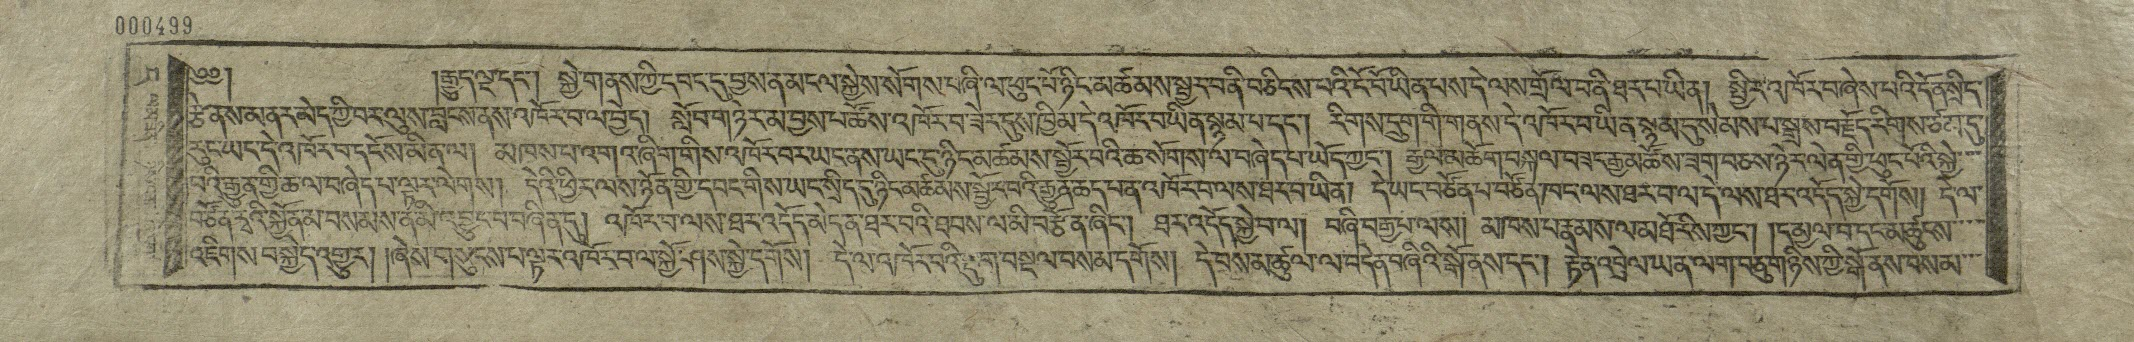༄༅། །རྒྱུད་ལྔ་དང་། སྐྱེ་གནས་ཀྱི་དབང་དུ་བྱས་ན་མངལ་སྐྱེས་སོགས་བཞི་ལ་ཕུང་པོ་ཉིང་མཚམས་སྦྱར་བ་ནི་བཅིངས་པའི་ངོ་བོ་ཡིན་པས་དེ་ལས་གྲོལ་བ་ནི་ཐར་པ་ཡིན། སྤྱིར་འཁོར་བ་ཞེས་པའི་དོན་སྲིད་
རྩེ་ནས་མནར་མེད་ཀྱི་བར་ལུས་བླངས་ནས་འཁོར་བ་ལ་བྱེད། སློབ་གཉེར་མ་བྱས་པ་ཚོས་འཁོར་བ་ཟེར་དུས་ཁྱིམ་དེ་འཁོར་བ་ཡིན་སྙམ་པ་དང་། རིགས་དྲུག་གི་གནས་དེ་འཁོར་བ་ཡིན་སྙམ་དུ་སེམས་པ་སྒྲས་བརྗོད་རིགས་ཙམ་དུ་
རུང་ཡང་དེ་འཁོར་བ་དངོས་མིན་ལ། མཁས་པ་འགའ་ཞིག་གིས་འཁོར་བར་ཡང་ནས་ཡང་དུ་ཉིད་མཚམས་སྦྱོར་བའི་ཆ་སོགས་ལ་བཞེད་པ་ཡོད་ཀྱང་། རྒྱལ་མཆོག་བསྐལ་བཟང་རྒྱ་མཚོས་ཟག་བཅས་ཉེར་ལེན་གྱི་ཕུང་པོའི་སྐྱེ་
བའི་རྒྱུན་གྱི་ཆ་ལ་བཞེད་པ་ལྟར་ལེགས། དེའི་ཕྱིར་ལས་ཉོན་གྱི་དབང་གིས་ཡང་སྲིད་དུ་ཉིང་མཚམས་སྦྱོར་བའི་རྒྱུན་ཆད་པ་ན་འཁོར་བ་ལས་ཐར་བ་ཡིན། དེ་ཡང་བཙོན་པ་བཙོན་ཁང་ལས་ཐར་བ་ལ་དེ་ལས་ཐར་འདོད་སྐྱེ་དགོས། དེ་ལ་
བཙོན་རྭའི་སྐྱོན་མ་བསམས་ན་མི་འབྱུང་བ་བཞིན་དུ། འཁོར་བ་ལས་ཐར་འདོད་མེད་ན་ཐར་བའི་ཐབས་ལ་མི་བརྩོན་ཞིང་། ཐར་འདོད་སྐྱེ་བ་ལ། བཞི་བརྒྱ་པ་ལས། མཁས་པ་རྣམས་ལ་མཐོ་རིས་ཀྱང་། །དམྱལ་བ་དང་མཚུངས་
འཇིགས་བསྐྱེད་འགྱུར། །ཞེས་གསུངས་པ་ལྟར་འཁོར་བ་ལ་སྐྱོ་ཤས་སྐྱེ་དགོས། དེ་ལ་འཁོར་བའི་སྡུག་བསྔལ་བསམ་དགོས། དེ་བསམ་ཚུལ་ལ་བདེན་བཞིའི་སྒོ་ནས་དང་། རྟེན་འབྲེལ་ཡན་ལག་བཅུ་གཉིས་ཀྱི་སྒོ་ནས་བསམ་